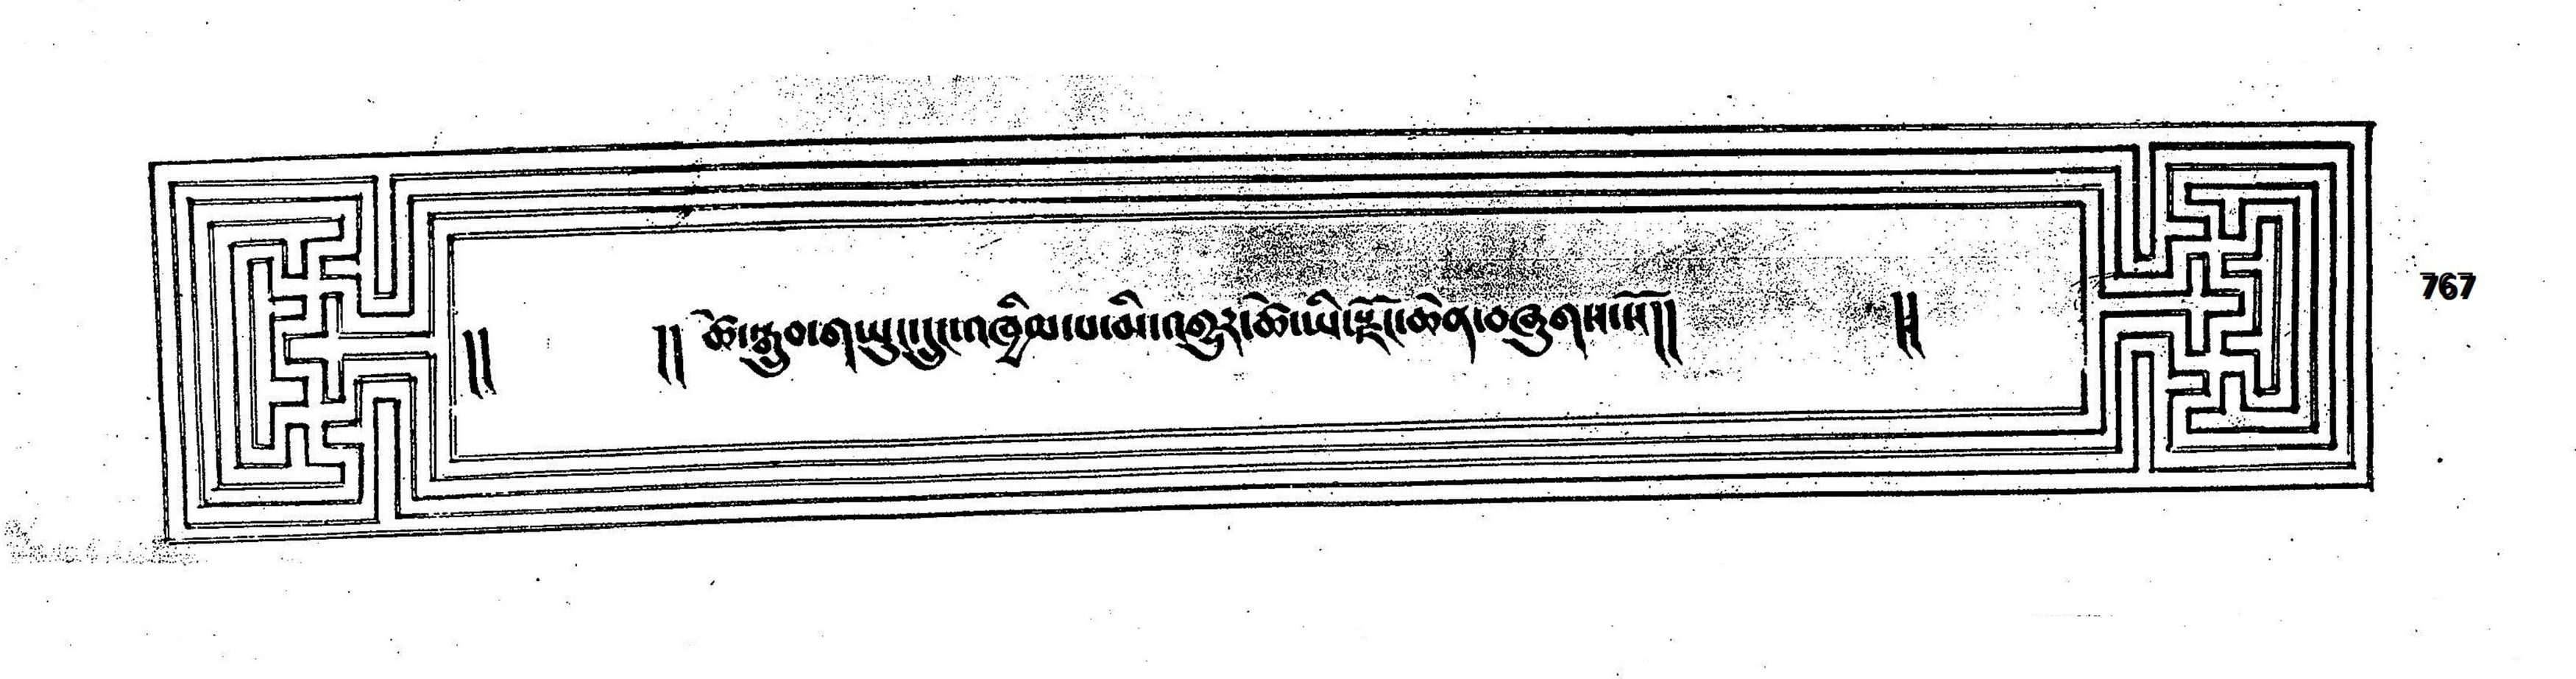།། །།ཚེ་སྒྲུབ་གཡུང་དྲུང་འཁྱིལ་པ་མི་འགྱུར་ཚེ་ཡི་རྫོང་ཆེན་བཞུགས་སོ།། །།